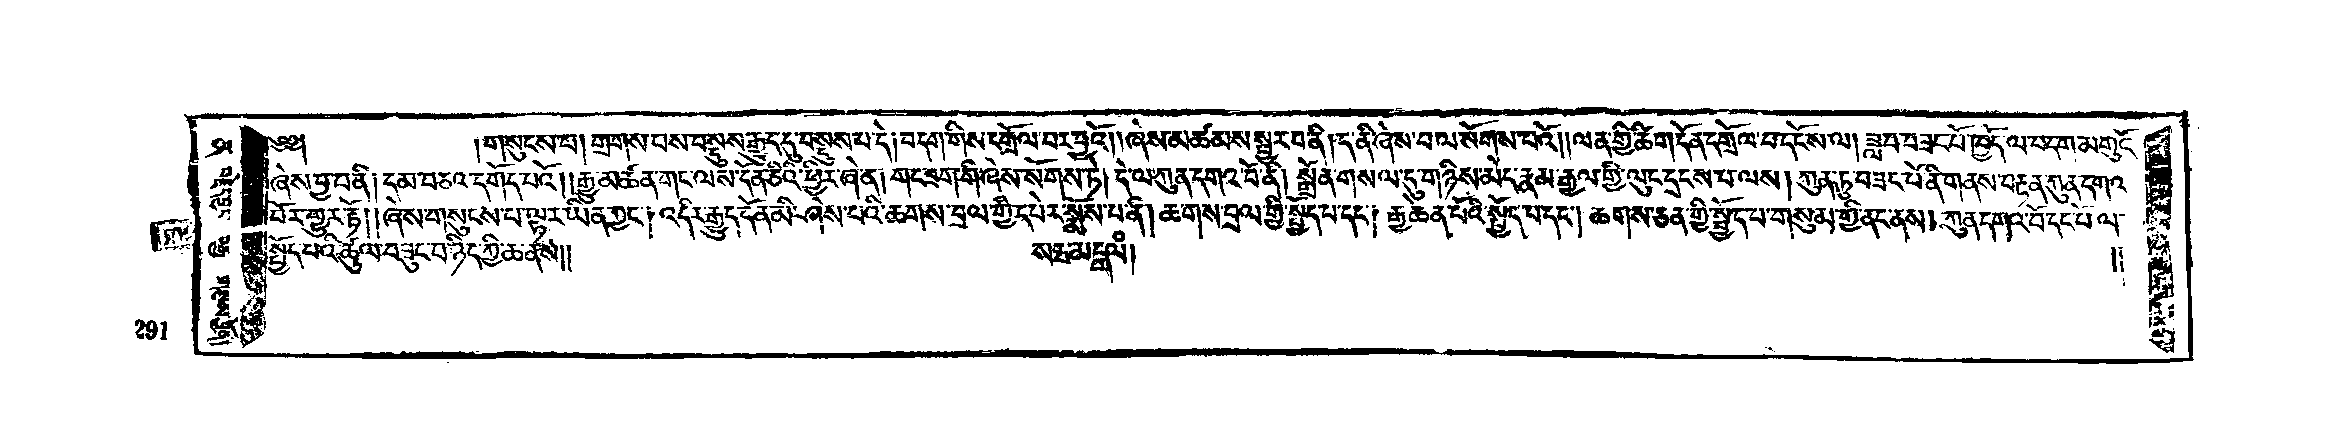༄༅། །གསུངས་པ། གྲགས་པས་བསྡུས་རྒྱུད་དུ་བསྡུས་པ་དེ། བདག་གིས་དགྲོལ་བར་བྱའོ། །ཞེས་མཚམས་སྦྱར་བ་ནི། ད་ནི་ཞེས་པ་ལ་སོགས་པའོ། །ལན་གྱི་ཚིག་དོན་དགྲོལ་བ་དངོས་ལ། ཟླ་བ་བཟང་པོ་ཁྱོད་ལ་བདག་མགུའོ་
ཞེས་བྱ་བ་ནི། དམ་བཅའ་དགོད་པའོ། །རྒྱུ་མཚན་གང་ལས་དོན་ཅིའི་ཕྱིར་ཞེ་ན། གང་ཟག་གི་ཞེས་སོགས་ཏེ། དེ་ལ་ཀུན་དགའ་བོ་ནི། སྒྲོན་གསལ་དུ་གཉིས་མེད་རྣམ་རྒྱལ་གྱི་ལུང་དྲངས་པ་ལས། ཀུན་ཏུ་བཟང་པོ་ནི་གནས་བརྟན་ཀུན་དགའ་
བོར་གྱུར་ཏོ། །ཞེས་གསུངས་པ་ལྟར་ཡིན་ཀྱང་། འདིར་རྒྱུད་དོན་མི་ཤེས་པའི་ཆགས་བྲལ་གྱི་དཔེར་སྨོས་པ་ནི། ཆགས་བྲལ་གྱི་སྤྱོད་པ་དང་། རྒྱ་ཆེན་པོའི་སྤྱོད་པ་དང་། ཆགས་ཅན་གྱི་སྤྱོད་པ་གསུམ་གྱི་ནང་ནས། ཀུན་དགའ་བོ་དང་པོ་ལ་
སྤྱོད་པའི་ཚུལ་བཟུང་བ་ཉིད་ཀྱི་ཆ་ནས།། སརྦ་མངྒ་ལཾ། །